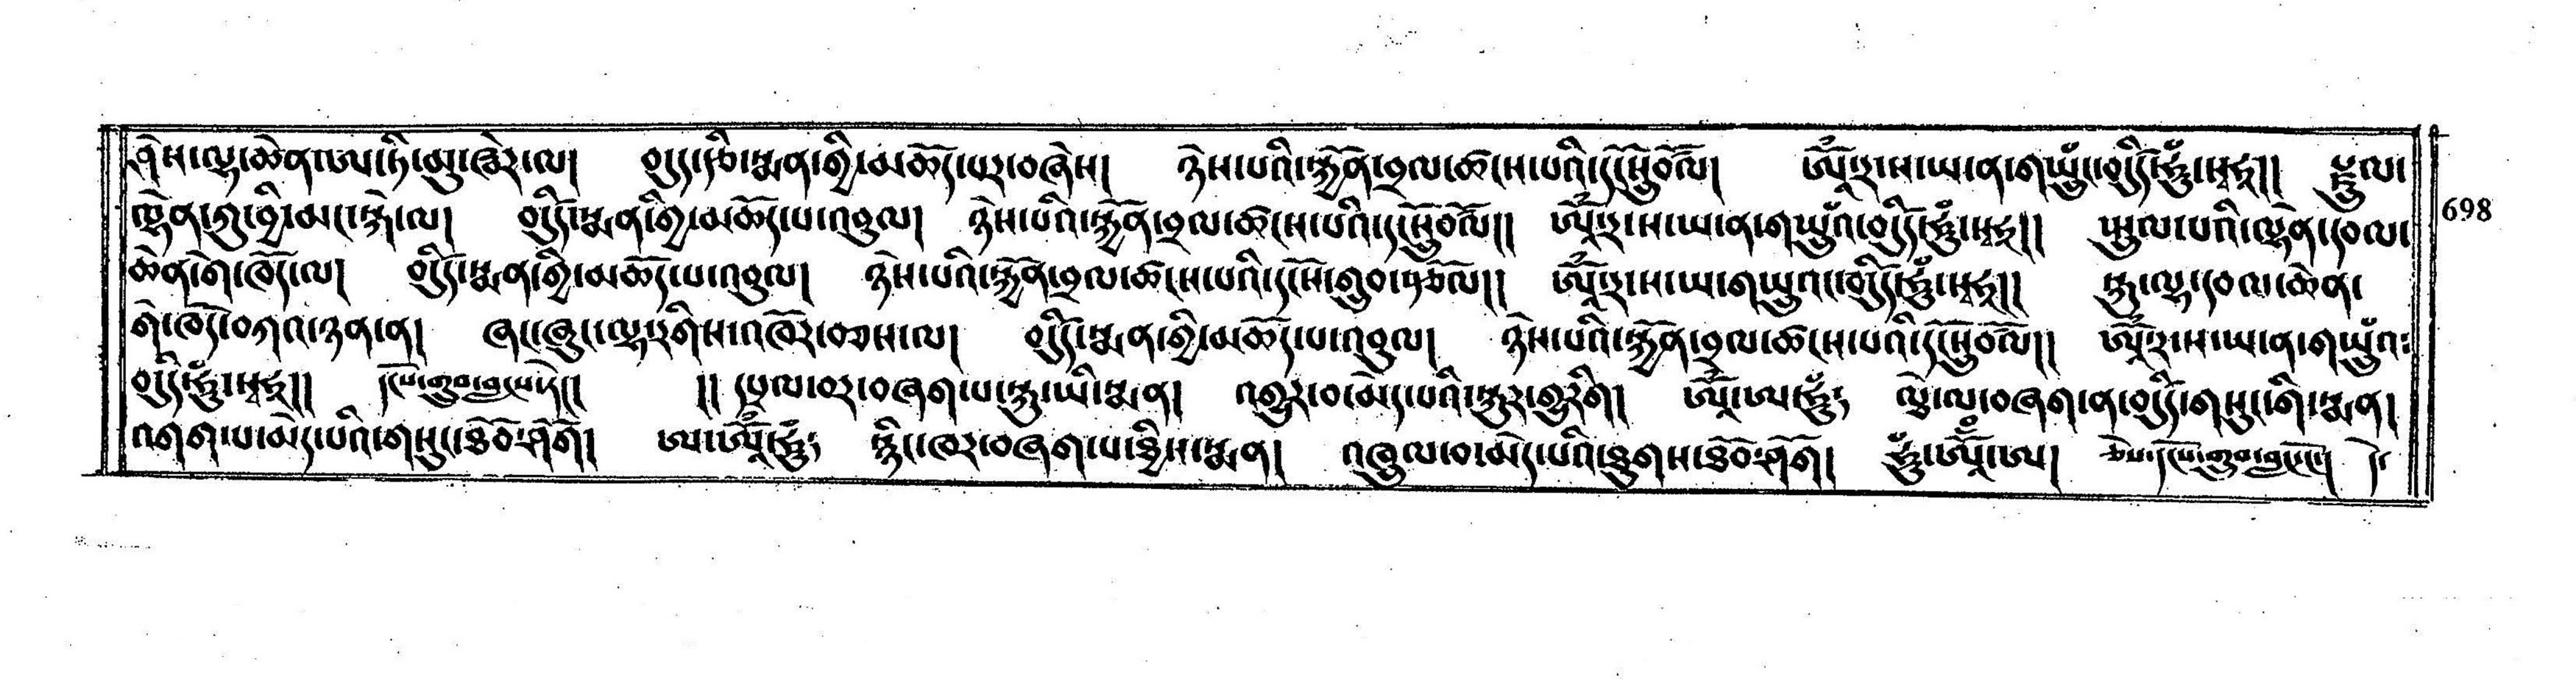ཤེས་ལྷ་ཆེན་ཨ་ཏི་མུ་ཝེར་ལ། བདུད་རྩི་སྨན་གྱི་མཆོད་པར་བཞེས། ཉེས་པའི་སྐྱོན་བྲལ་ཚངས་པའི་དངོས་གྲུབ་སྩོལ། ཨཱོཾ་ར་ས་ཡ་ན་གཡུ་འབྲང་བདུད་རྩི་ཧཱུཾ་སྭཧཱ།། རྫུ་འཕྲུལ་
ལྷ་ཆེན་ཀུ་བྱི་མང་སྐེ་ལ། བདུད་རྩི་སྨན་གྱི་མཆོད་པ་འབུལ། ཉེས་པའི་སྐྱོན་བྲལ་ཚངས་པའི་དངོས་གྲུབ་སྩོལ།། ཨཱོཾ་ར་ས་ཡ་ན་གཡུ་འབྲང་བདུད་རྩི་ཧཱུཾ་སྭཧཱ།། སྤྲུལ་པའི་ལྷ་ཆེན་དབལ་
ཆེན་གེ་ཁོད་ལ། བདུད་རྩི་སྨན་གྱི་མཆོད་པ་འབུལ། ཉེས་པའི་སྐྱོན་བྲལ་ཚངས་པའི་དངོས་གྲུབ་སྩོལ།། ཨཱོཾ་ར་ས་ཡ་ན་གཡུ་འབྲང་བདུད་རྩི་ཧཱུཾ་སྭཧཱ།། སྐུ་ལྷ་དབལ་ཆེན་
གེ་ཁོད་བཀའ་ཉན་ནི། ཞང་ཞུང་ལྷ་རིགས་འཁོར་བཅས་ལ། བདུད་རྩི་སྨན་གྱི་མཆོད་པ་འབུལ། ཉེས་པའི་སྐྱོན་བྲལ་ཚངས་པའི་དངོས་གྲུབ་སྩོལ།། ཨཱོཾ་ར་ས་ཡ་ན་གཡུ་འབྲང་
བདུད་རྩི་ཧཱུཾ་སྭཧཱ།། དངོས་གྲུབ་བླངས་ཏེ།། །།དཔྲལ་བར་བཞག་པ་སྐུ་ཡི་སྨན། འགྱུར་བ་མེད་པའི་སྐུར་གྱུར་ཅིག ཨཱོཾ་ཨ་ཧཱུཾ ལྕེ་ལ་བཞག་ན་བདུད་རྩི་གསུང་གི་སྨན། 
འགག་པ་མེད་པའི་གསུང་ཐོབ་ཤོག ཨ་ཨཱོཾ་ཧཱུཾ སྙིང་ཁར་བཞག་པ་ཐུགས་ཀྱིས་སྨན། འཁྲུལ་བ་མེད་པའི་ཐུགས་ཐོབ་ཤོག ཧཱུཾ་ཨཱོཾ་ཨ། ཅེས་དངོས་གྲུབ་བླང་ངོ་། དེ་